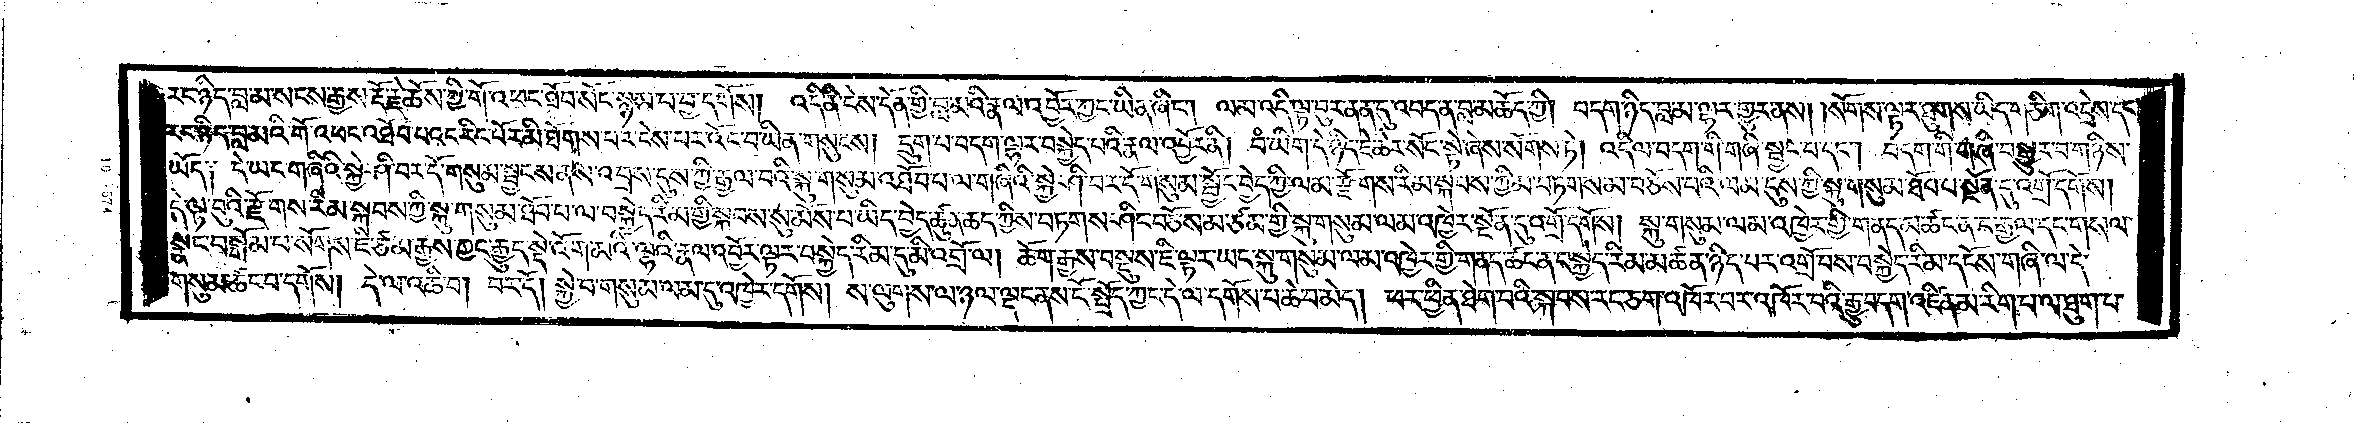རང་ཉིད་བླ་མ་སངས་རྒྱས་རྡོ་རྗེ་ཆོས་ཀྱི་གོ་འཕང་ཐོབ་སོང་སྙམ་པ་བྱ་དགོས། འདི་ནེ་ངེས་དོན་གྱི་བླ་མའི་རྣལ་འབྱོར་ཀྱང་ཡིན་ཞིང་། ལམ་འདི་ལྟ་བུར་ནན་དུ་འབད་ན་བླ་མཆོད་ཀྱི། བདག་ཉིད་བླ་མ་ལྷར་གྱུར་ནས། །སོགས་ལྟར་ཐུགས་ཡིད་གཅིག་འདྲེས་དང་
རང་ཉིད་བླ་མའི་གོ་འཕང་འཐོབ་པའང་རིང་པོར་མི་ཐོགས་པར་ངེས་པར་འོང་བ་ཡིན་གསུངས། དྲུག་པ་བདག་ལྷར་བསྐྱེད་པའི་རྣལ་འབྱོར་ནི། བཾ་ཡིག་དེ་ཉིད་ཇེ་ཆེར་སོང་སྟེ་ཞེས་སོགས་ཏེ། འདི་ལ་བདག་གི་གཞི་སྦྱར་བ་དང་། བདག་གི་གཞི་བསྒྱུར་བ་གཉིས་
ཡོད༑ དེ་ཡང་གཞིའི་སྐྱེ་ཤི་བར་དོ་གསུམ་སྦྱངས་ནས་འབྲས་དུས་ཀྱི་རྒྱལ་བའི་སྐུ་གསུམ་འཐོབ་པ་ལ་གཞིའི་སྐྱེ་ཤི་བར་དོ་གསུམ་སྦྱོང་བྱེད་ཀྱི་ལམ་རྫོགས་རིམ་སྐབས་ཀྱི་མ་བཏགས་མ་བཅོས་པའི་ལམ་དུས་ཀྱི་སྐུ་གསུམ་ཐོབ་པ་སྔོན་དུ་འགྲོ་དགོས།
དེ་ལྟ་བུའི་རྫོགས་རིམ་སྐབས་ཀྱི་སྐུ་གསུམ་ཐོབ་པ་ལ་བསྐྱེད་རིམ་གྱི་སྐབས་སུ་མོས་པ་ཡིད་བྱེད་ཚུན་ཆད་ཀྱིས་བཏགས་ཤིང་བཅོས་མ་ཙམ་གྱི་སྐུ་གསུམ་ལམ་འཁྱེར་སྔོན་དུ་འགྲོ་དགོས། སྐུ་གསུམ་ལམ་འཁྱེར་གྱི་གནད་མ་ཚང་ན་ང་རྒྱལ་དང་གསལ་
སྣང་བསྒོམ་པ་སོགས་ཇི་ཙམ་རྒྱས་ཀྱང་རྒྱུད་སྡེ་འོག་མའི་ལྷའི་རྣལ་འབྱོར་ལྟར་བསྐྱེད་རིམ་དུ་མི་འགྲོ་ལ། ཆོ་ག་རྒྱས་བསྡུས་ཇི་ལྟར་ཡང་སྐུ་གསུམ་ལམ་འཁྱེར་གྱི་གནད་ཚང་ན་བསྐྱེད་རིམ་མཚན་ཉིད་པར་འགྲོ་བས་བསྐྱེད་རིམ་དངོས་གཞི་ལ་དེ་
གསུམ་ཚང་བ་དགོས། དེ་ལ་འཆི་བ། བར་དོ། སྐྱེ་བ་གསུམ་ལམ་དུ་འཁྱེར་དགོས། ས་ལྕགས་ལ་ཉལ་ལྡང་ནས་ངོ་སྤྲོད་ཀྱང་དེ་ལ་དགོས་པ་ཆེ་བ་མེད། ཕར་ཕྱིན་ཐེག་པའི་སྐབས་རང་ཅག་འཁོར་བར་འཁོར་བའི་རྒྱུ་བདག་འཛིན་མ་རིག་པ་ལ་ཐུག་པ་